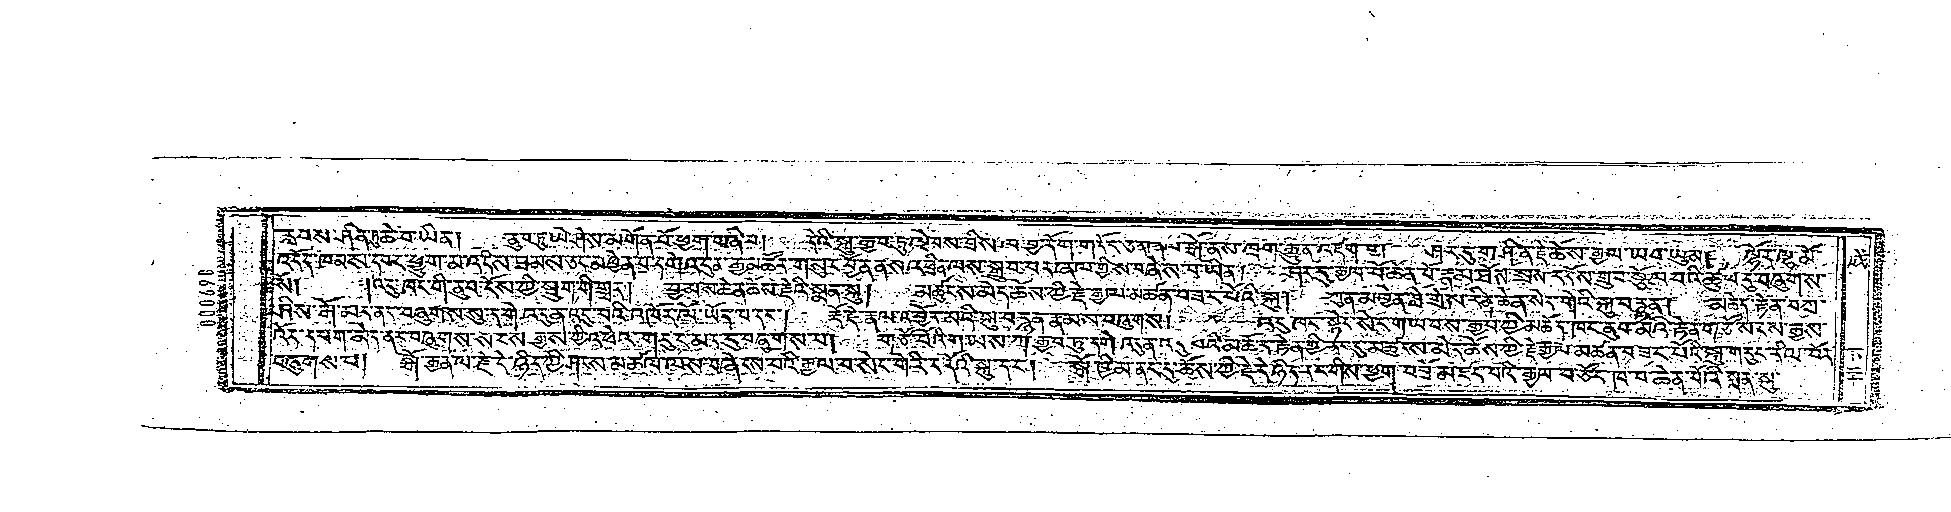རླབས་ཤིན་ཏུ་ཆེ་བ་ཡིན། ནུབ་ཏུ་ཡེ་ཤེས་མགོན་པོ་ཕྱག་བཞི་པ། དེའི་སྐུ་རྒྱབ་ཏུ་ལྡེབས་བྲིས་ལ་བྱ་རོག་གདོང་ཅན་ཞལ་སྒོ་ནས་ཁྲག་རྒྱུན་འཛག་པ། ཤར་དུ་གཤིན་རྗེ་ཆོས་རྒྱལ་ཡབ་ཡུམ། ལྷོར་ལྷ་མོ་
འདོད་ཁམས་དབང་ཕྱུག་མ་འདིས་ཐམས་ཅད་མཁྱེན་པ་དགེ་འདུན་རྒྱ་མཚོར་གསུང་བྱོན་ནས་འཕྲིན་ལས་སྒྲུབ་པར་ཞལ་གྱིས་བཞེས་པ་ཡིན། ཤར་དུ་རྒྱལ་པོ་ཆེན་པོ་རྣམ་ཐོས་སྲས་དངོས་གྲུབ་སྩོལ་བའི་ཚུལ་དུ་བཞུགས་
སོ། །འདུ་ཁང་གི་ནུབ་ངོས་ཀྱི་སྤུག་གི་གྲྭར། བྱམས་ཆེན་ཆོས་རྗེའི་སྨན་སྐུ། མཚུངས་མེད་ཆོས་ཀྱི་རྗེ་རྒྱལ་མཚན་བཟང་པོའི་སྐུ། ཀུན་མཁྱེན་བློ་གྲོས་རིན་ཆེན་སེང་གེའི་སྐུ་བརྙན། མཆོད་རྟེན་བཀྲ་
ཤིས་སྒོ་མང་ནང་བཞུགས་སུ་དགེ་འདུན་འདུ་བའི་འཁོར་ལོ་ཡོད་པ་དང་། རྡོ་རྗེ་རྣལ་འབྱོར་མའི་སྐུ་བརྙན་རྣམས་བཞུགས། ༧་འདུ་ཁང་སྟེང་སེང་གཡབས་རྒྱབ་ཀྱི་མཆོད་ཁང་ནུབ་མའི་རྟེན་གཙོ་སངས་རྒྱས་
འོད་དཔག་མེད་ནང་བཞུགས་སངས་རྒྱས་ཀྱི་འཕེལ་གདུང་མང་དུ་བཞུགས་པ། གཙོ་བོའི་གཡས་ཀ་རྒྱབ་ཏུ་དགེ་འདུན་འདུ་བའི་མཆོད་རྟེན་གྱི་ནང་དུ་མཚུངས་མེད་ཆོས་ཀྱི་རྗེ་རྒྱལ་མཚན་བཟང་པོའི་སྐུ་གདུང་རིལ་བོར་
བཞུགས་པ། སྒོ་རྒྱན་ལ་རྗེ་དེ་ཉིད་ཀྱི་ཤངས་མཚལ་ལས་བཞེངས་པའི་རྒྱལ་བ་སེང་གེའི་ང་རོའི་སྐུ་དང་། སྒོ་ཁྱིམ་ནང་དུ་ཆོས་ཀྱི་རྗེ་དེ་ཉིད་རང་གིས་ཕྱག་བཟོ་མཛད་པའི་རྒྱལ་བ་ཙོང་ཁ་པ་ཆེན་པོའི་སྨན་སྐུ་